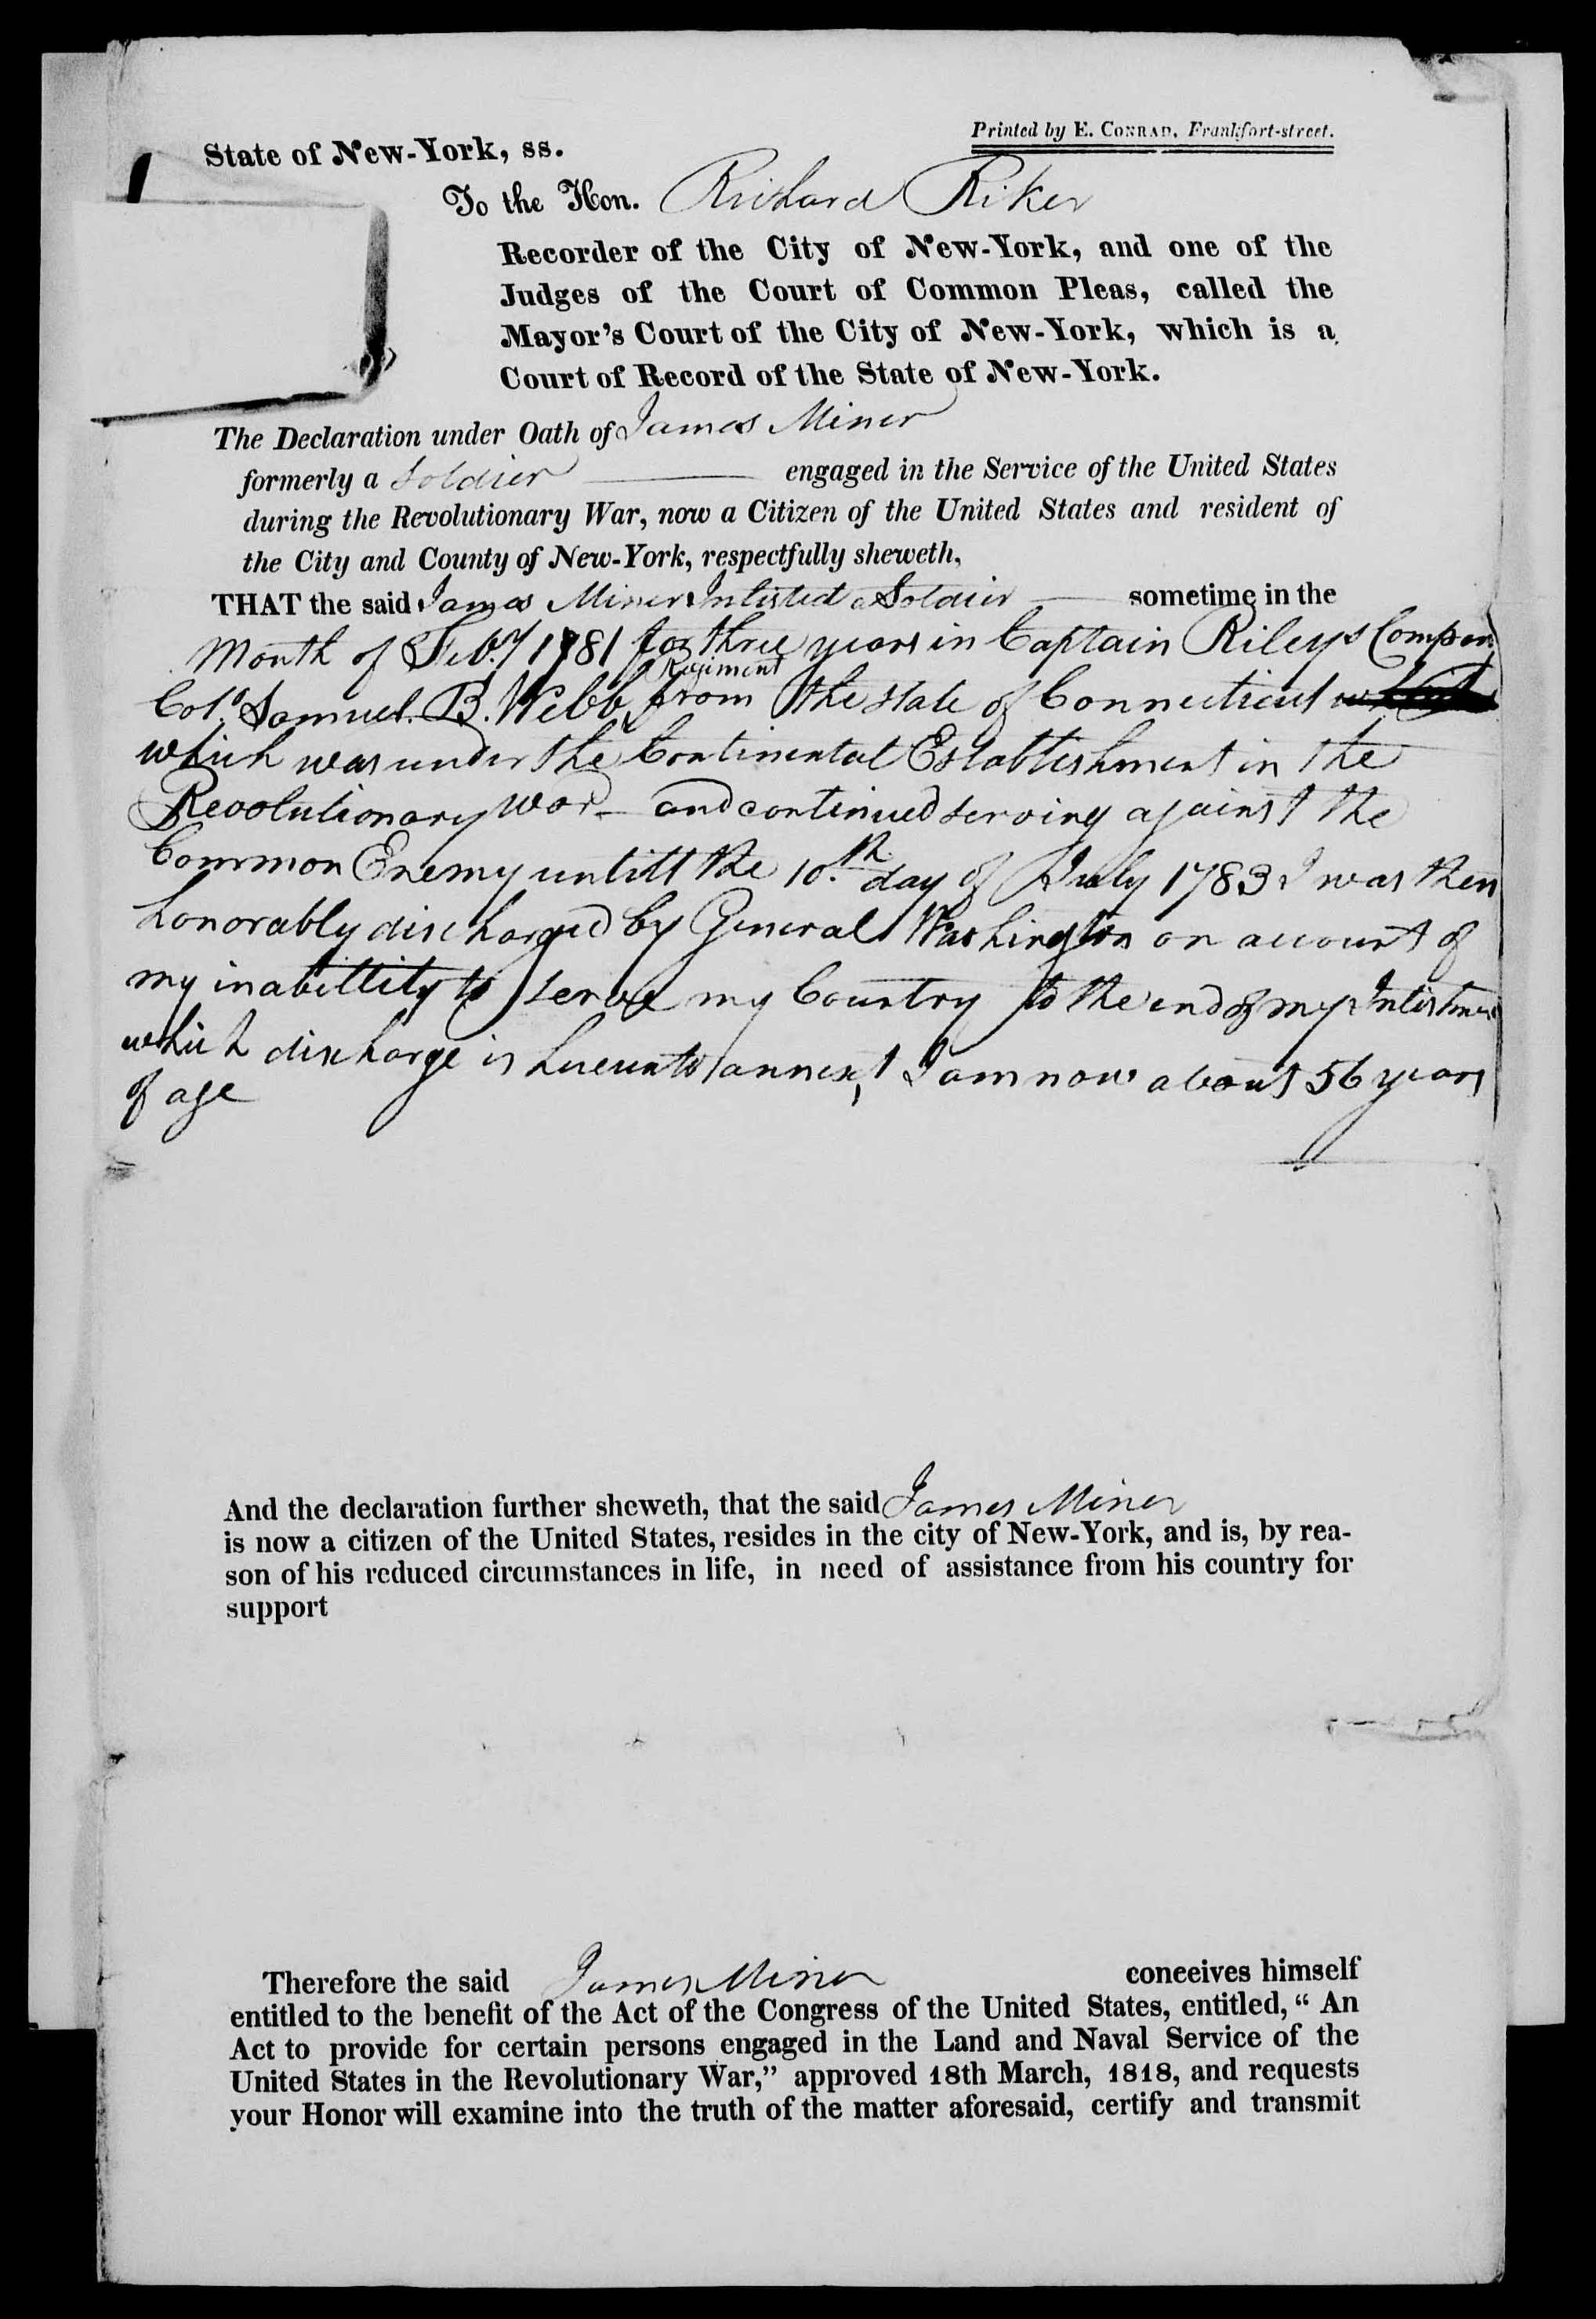State of New-York, ss. 
[double underlined Printed by E. CONRAD, Franfort-street.] 

To the Hon. [handwritten Richard Riker] 
Recorder of the City of New-York, and one of the Judges of the Court of Common Pleas, called the Mayor's Court of the City of New-York, which is a Court of Record of the State of New York. 

The Declaration under Oath of [handwritten James Miner] 
formerly a [handwritten Soldier] engaged  in the Service of the United States during the Revolutionary War, now a Citizen of the United States and resident of the City and County of New-York, respectfully sheweth, 

THAT the said [handwritten James Miner, Inlisted a Soldier] sometime in the 

[begin handwritten statement] Month of Feby. 1781 for three years in Captain Rileys Company Col. Samuel B. Webb Regiment from the State of Connecticut which was under the Continental Establishment in the Revolutionary War and continued serving against the common Enemy untill the 10th day of July 1783. I was then honorably discharged by General Washington on account of my inability to serve my Country to the end of my Inlistment which discharge is hereunto annexed, I am now about 56 years of age [end of handwritten statement]

And the declaration further sheweth, that the said [handwritten James Miner] is now a citizen of the United States, resides in the city of New-York, and is, by reason of his reduced circumstances in life, in need of assistance from his country for support 

Therefore the said [handwritten James Miner] conceives himself entitled to the benefit of the Act of the Congress of the United States, entitled, "An Act to provide for certain persons engaged in the Land and Naval Service of the United States in the Revolutionary War," approved 18th March, 1818, and requests your Honor will examine into the truth of the matter aforesaid, certify and transmit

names: [BLANK] Washington; Richard Riker; Samuel B Webb; James Miner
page: 12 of 39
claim: survivor's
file: S. 23802, for James Miner, Connecticut